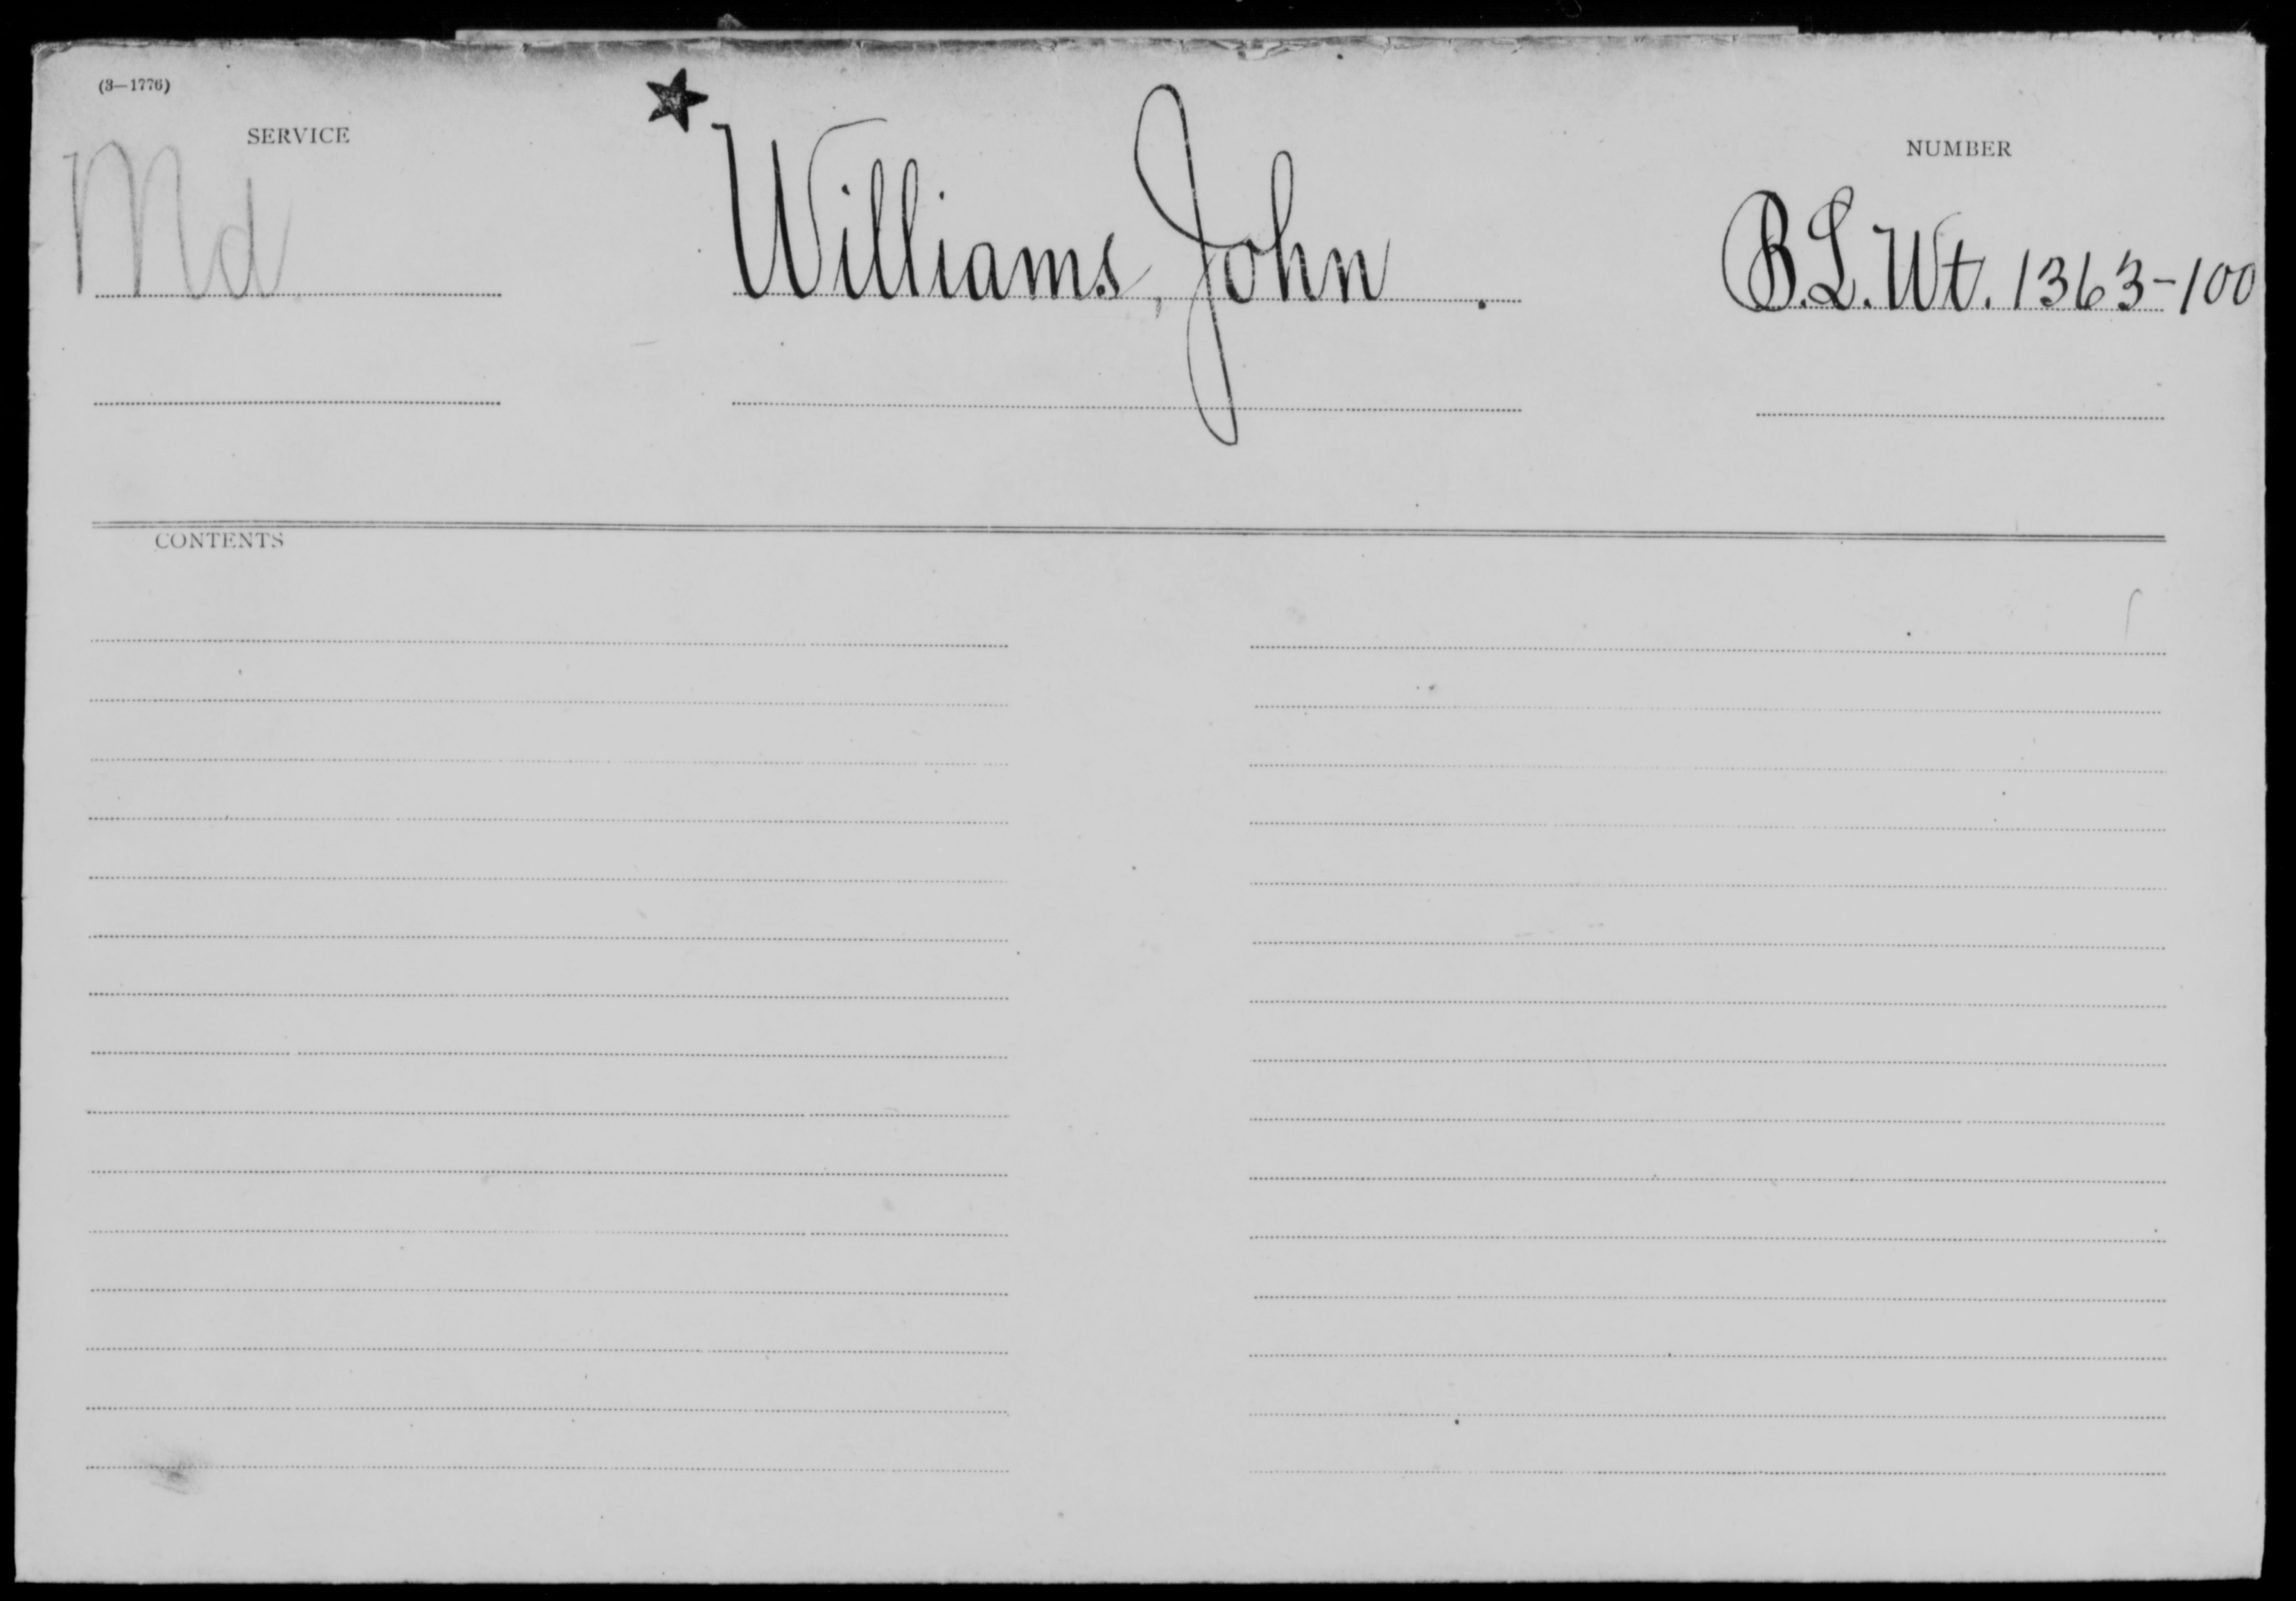(3-1776)

SERVICE [black star, top center of the page] NUMBER

Md. Williams, John B.L. Wt.1363-100

CONTENTS

[two columns below; blank]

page: 1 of 8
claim: bounty land warrant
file: B. L. Wt. 1363-100, John Williams, Md.